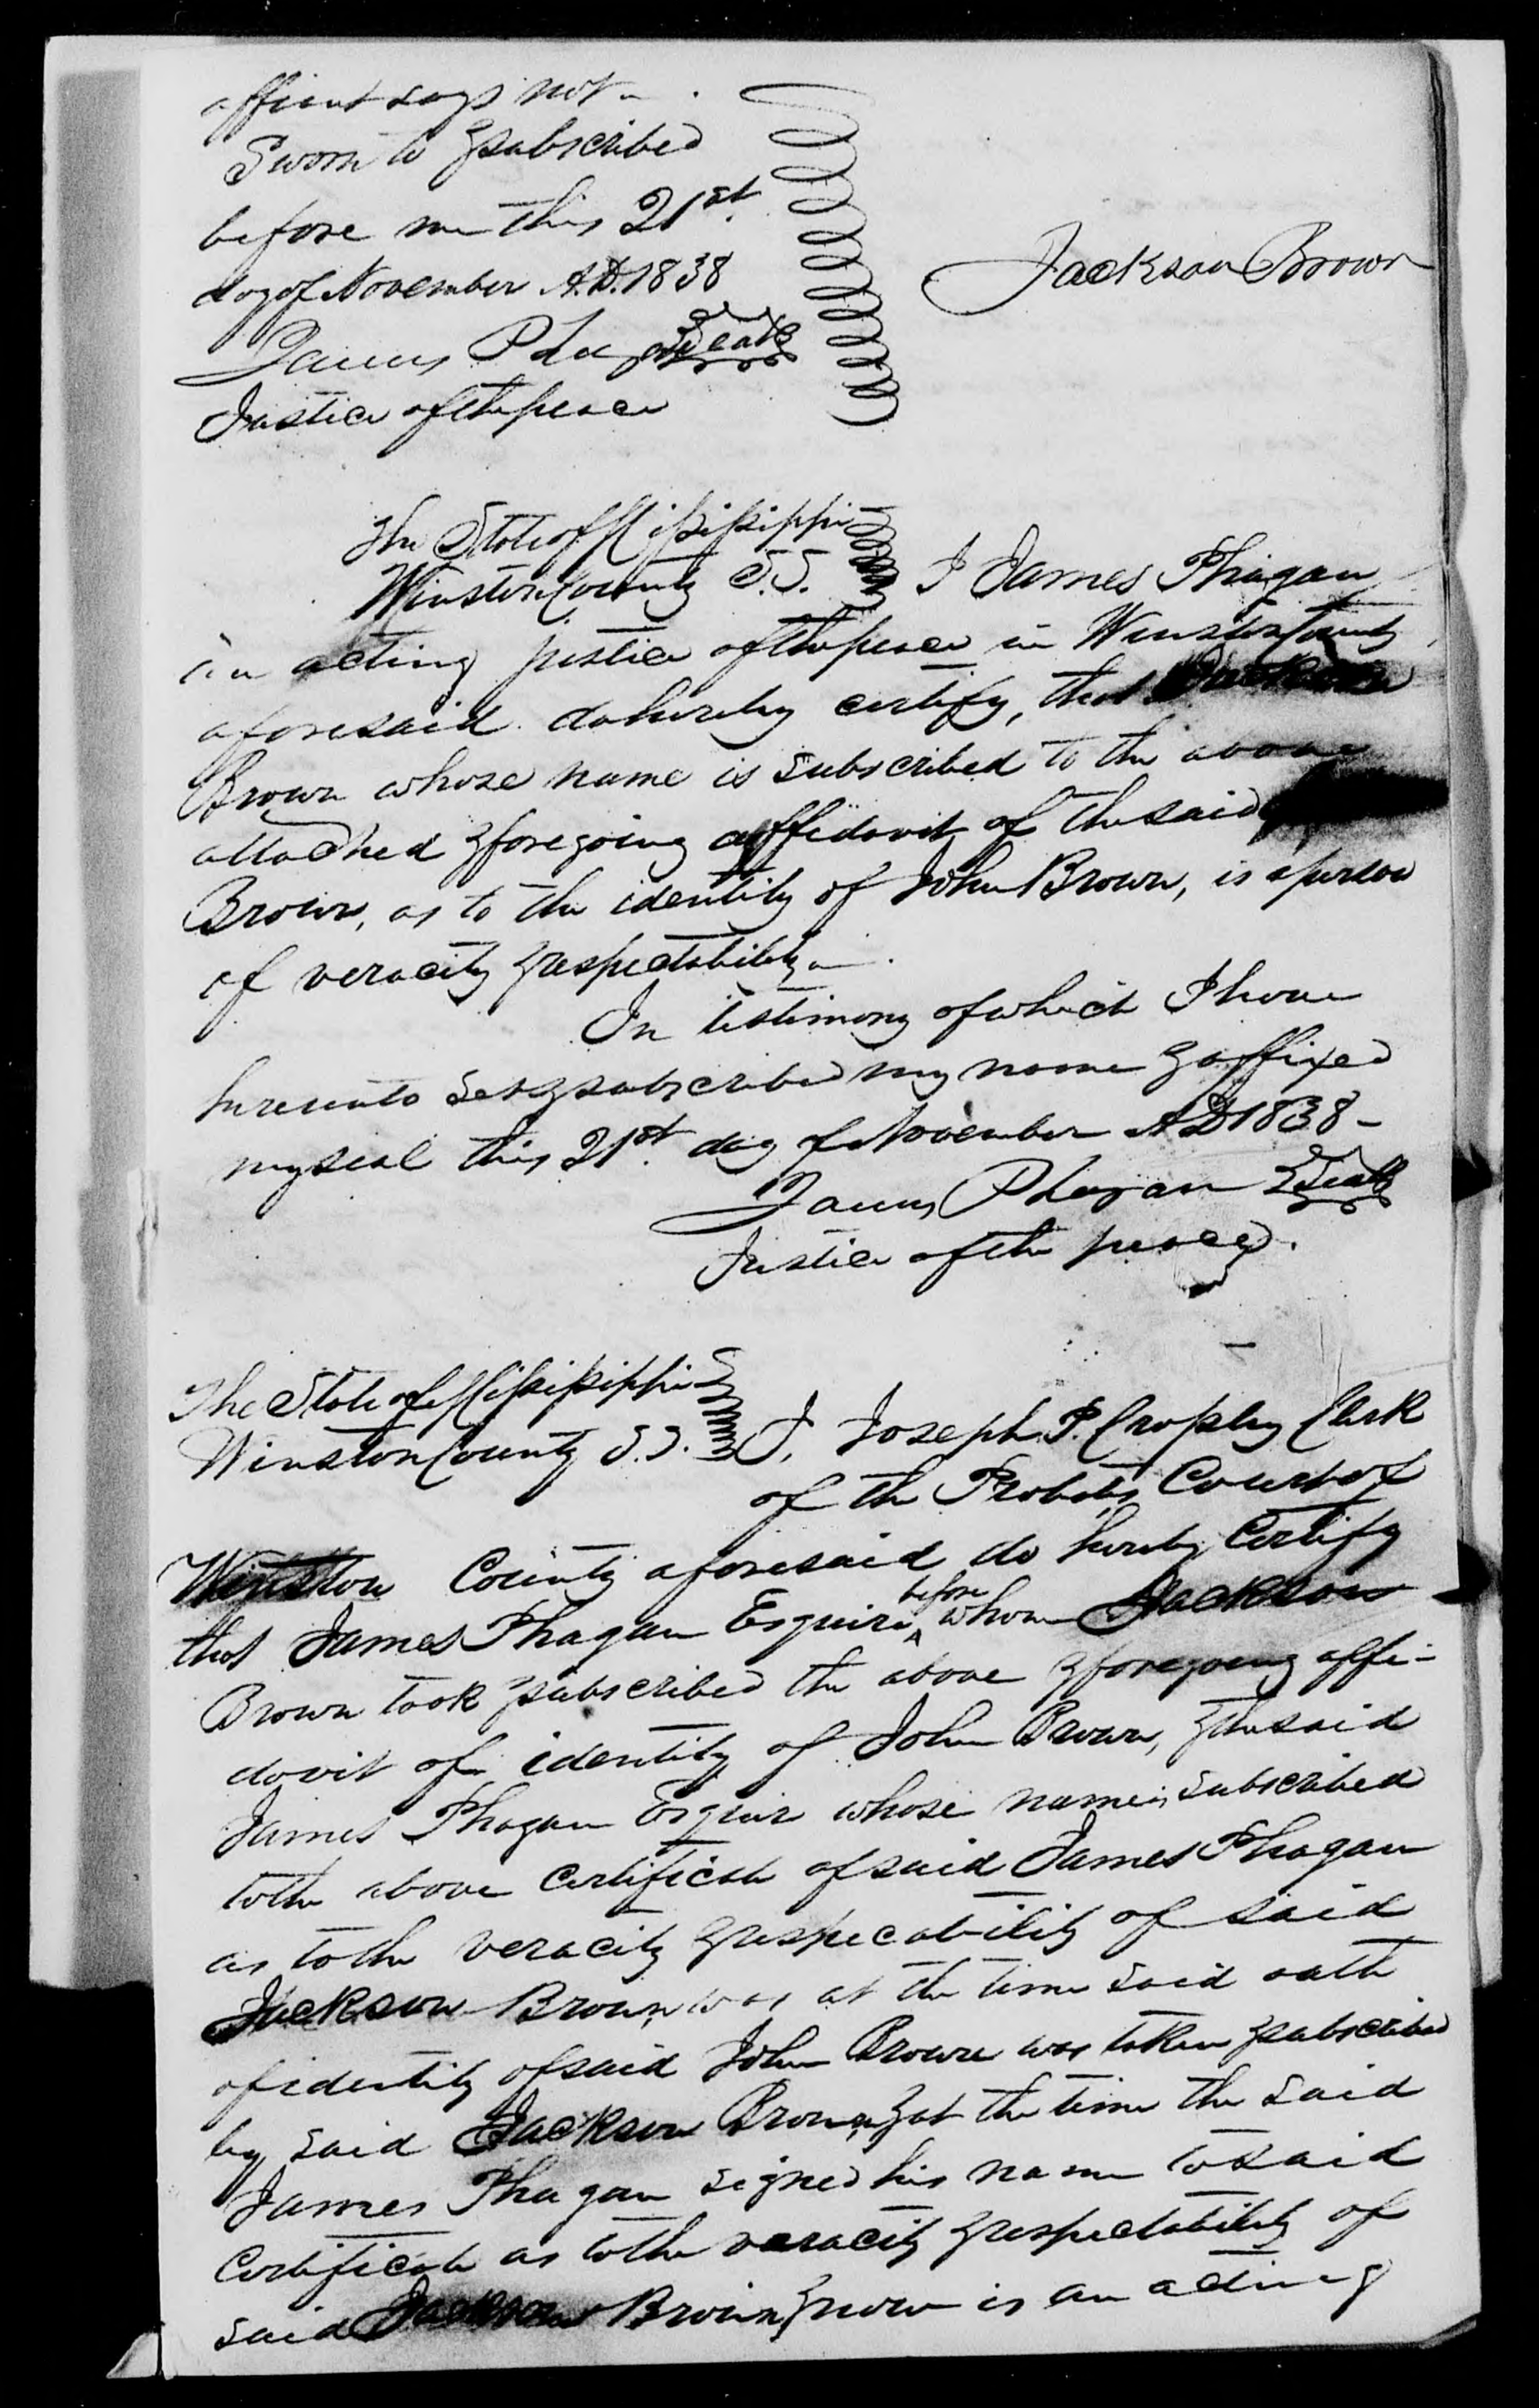affiant says not.
Sworn to & subscribed
before me this 21st
day of November A.D. 1838
James Phagan  SEAL
Justice of the peace

Jackson Brown

The State of Mississippi
Winston County S.S.
I James Phagan
an acting Justice of the peace in Winsto County
aforesaid do hereby certify, that Jackson
Brown whose name is subscribed to the above
attached & foregoing affidavit of the said John
Brown, as to the identity of John Brown, is a person
of veracity & respectability.
In testimony of which I have
hereunto set & subscribed my name & affixed
my seal this 21st day of November AD 1838.
James Phagan  SEAL
Justice of the peace

The State of Mississippi
Winston County S.S.
I, Joseph P. Crossley Clerk
of the Probate Court of
Winston County aforesaid do hereby certify
that James Phagan Esquire before whom Jackson
Brown took & subscribed the above & foregoing
affidavit of identity of John Brown, & the said
James Phagan Esquire whose name is subscribed
to the above certificate of said James Phagan
as to the veracity & respectability of said
Jackson Brown was at the time said oath
of identity of said John Brown was taken & subscribed
by said Jackson Brown & at the time the said
James Phagan signed his name to said
Certificate as to the veracity & respectability of
said Jackson Brown & now is an acting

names: Jackson Brown, Jackson Brown, John Brown, Brown, James Phagan, James Phagan, John Brown, James Phagan, James Brown, Jackson Brown, James Phagan, John Brown, James Phagan, Jackson Brown, James Phagan, Jackson Brown, James Phagan, Joseph P Crossley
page: 22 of 85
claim: widow's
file: W. 5,906, John Brown, S.C.